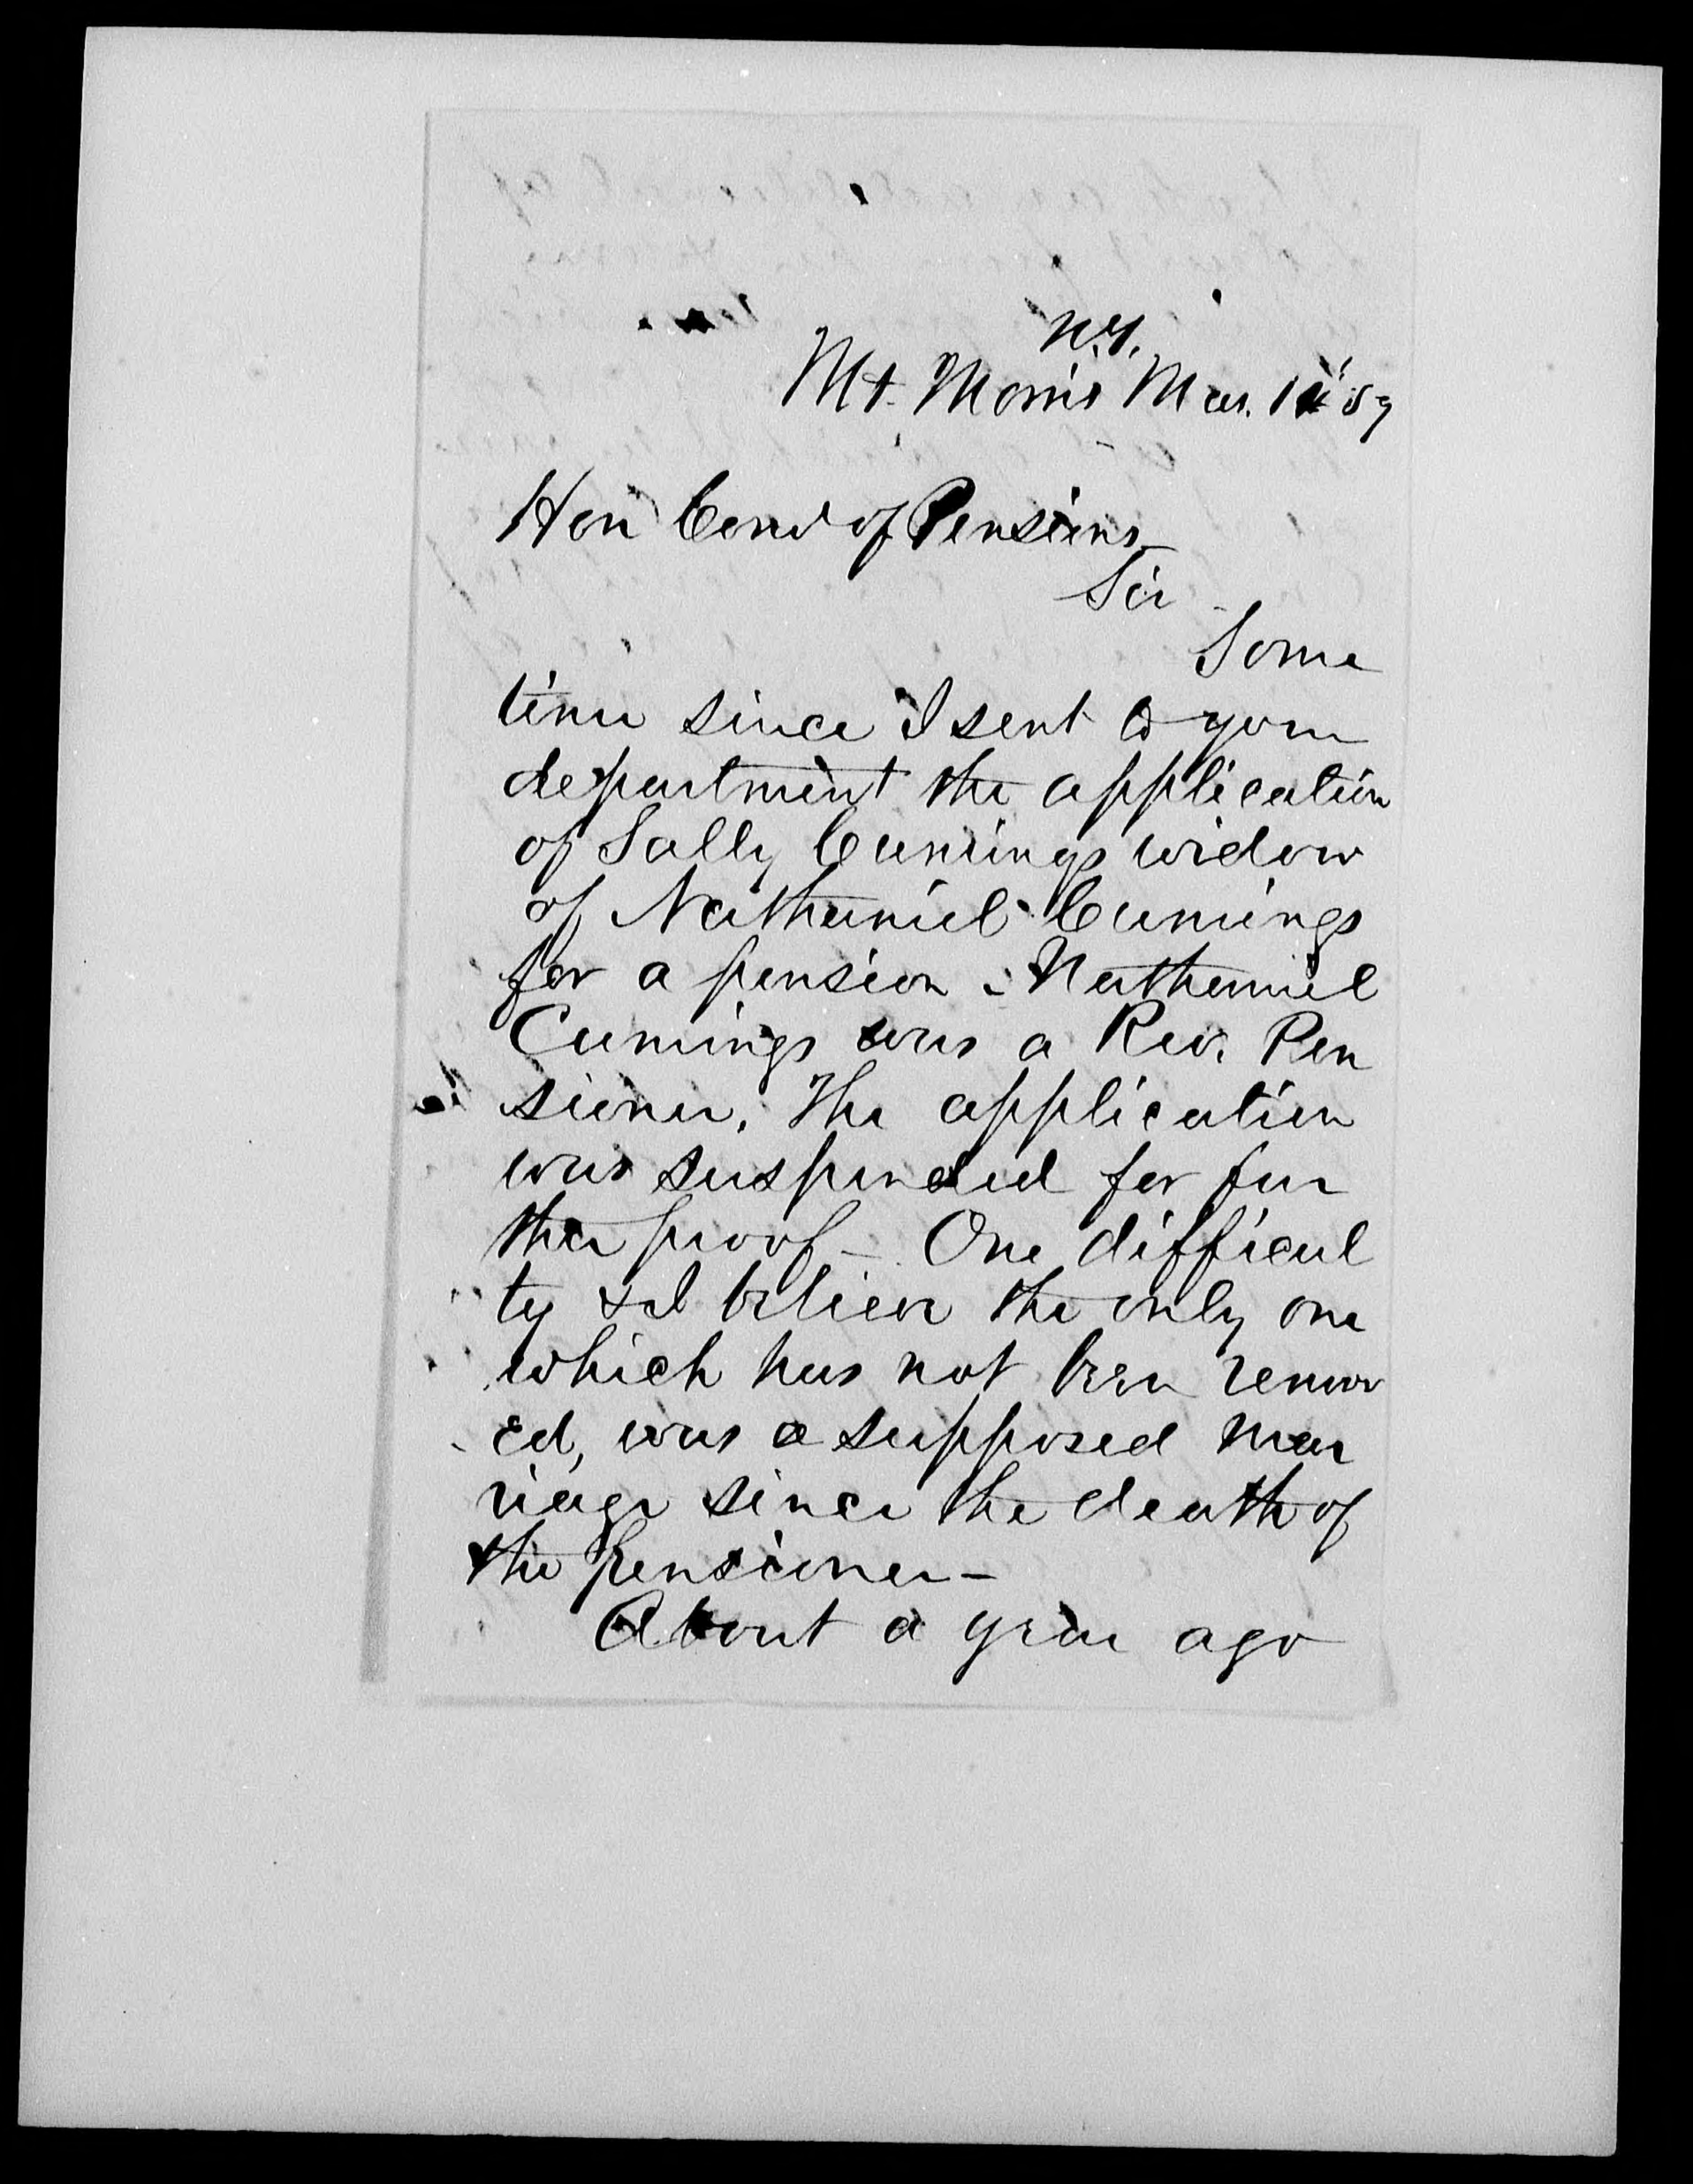N.Y.
Mt Morris Mar 1859
Hon Comr of Pensions
Sir
some time since I sent
to your department 
the application
of Sally Cumings widow
of Nathaniel Cumings
for a pension. Nathaniel
Cumings was a Rev. Pensioner.
 The application
was suspended for the proof for
One difficulty
and I believe the only one
which has not been removed
was a supposed marriage
 since the death of
the pensioner about
a year ago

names: Nathaniel Cumings, Sally Cumings, Nathaniel Cumings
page: 29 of 41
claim: widow's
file: W. 9819, Nathaniel Cumings, Vt.